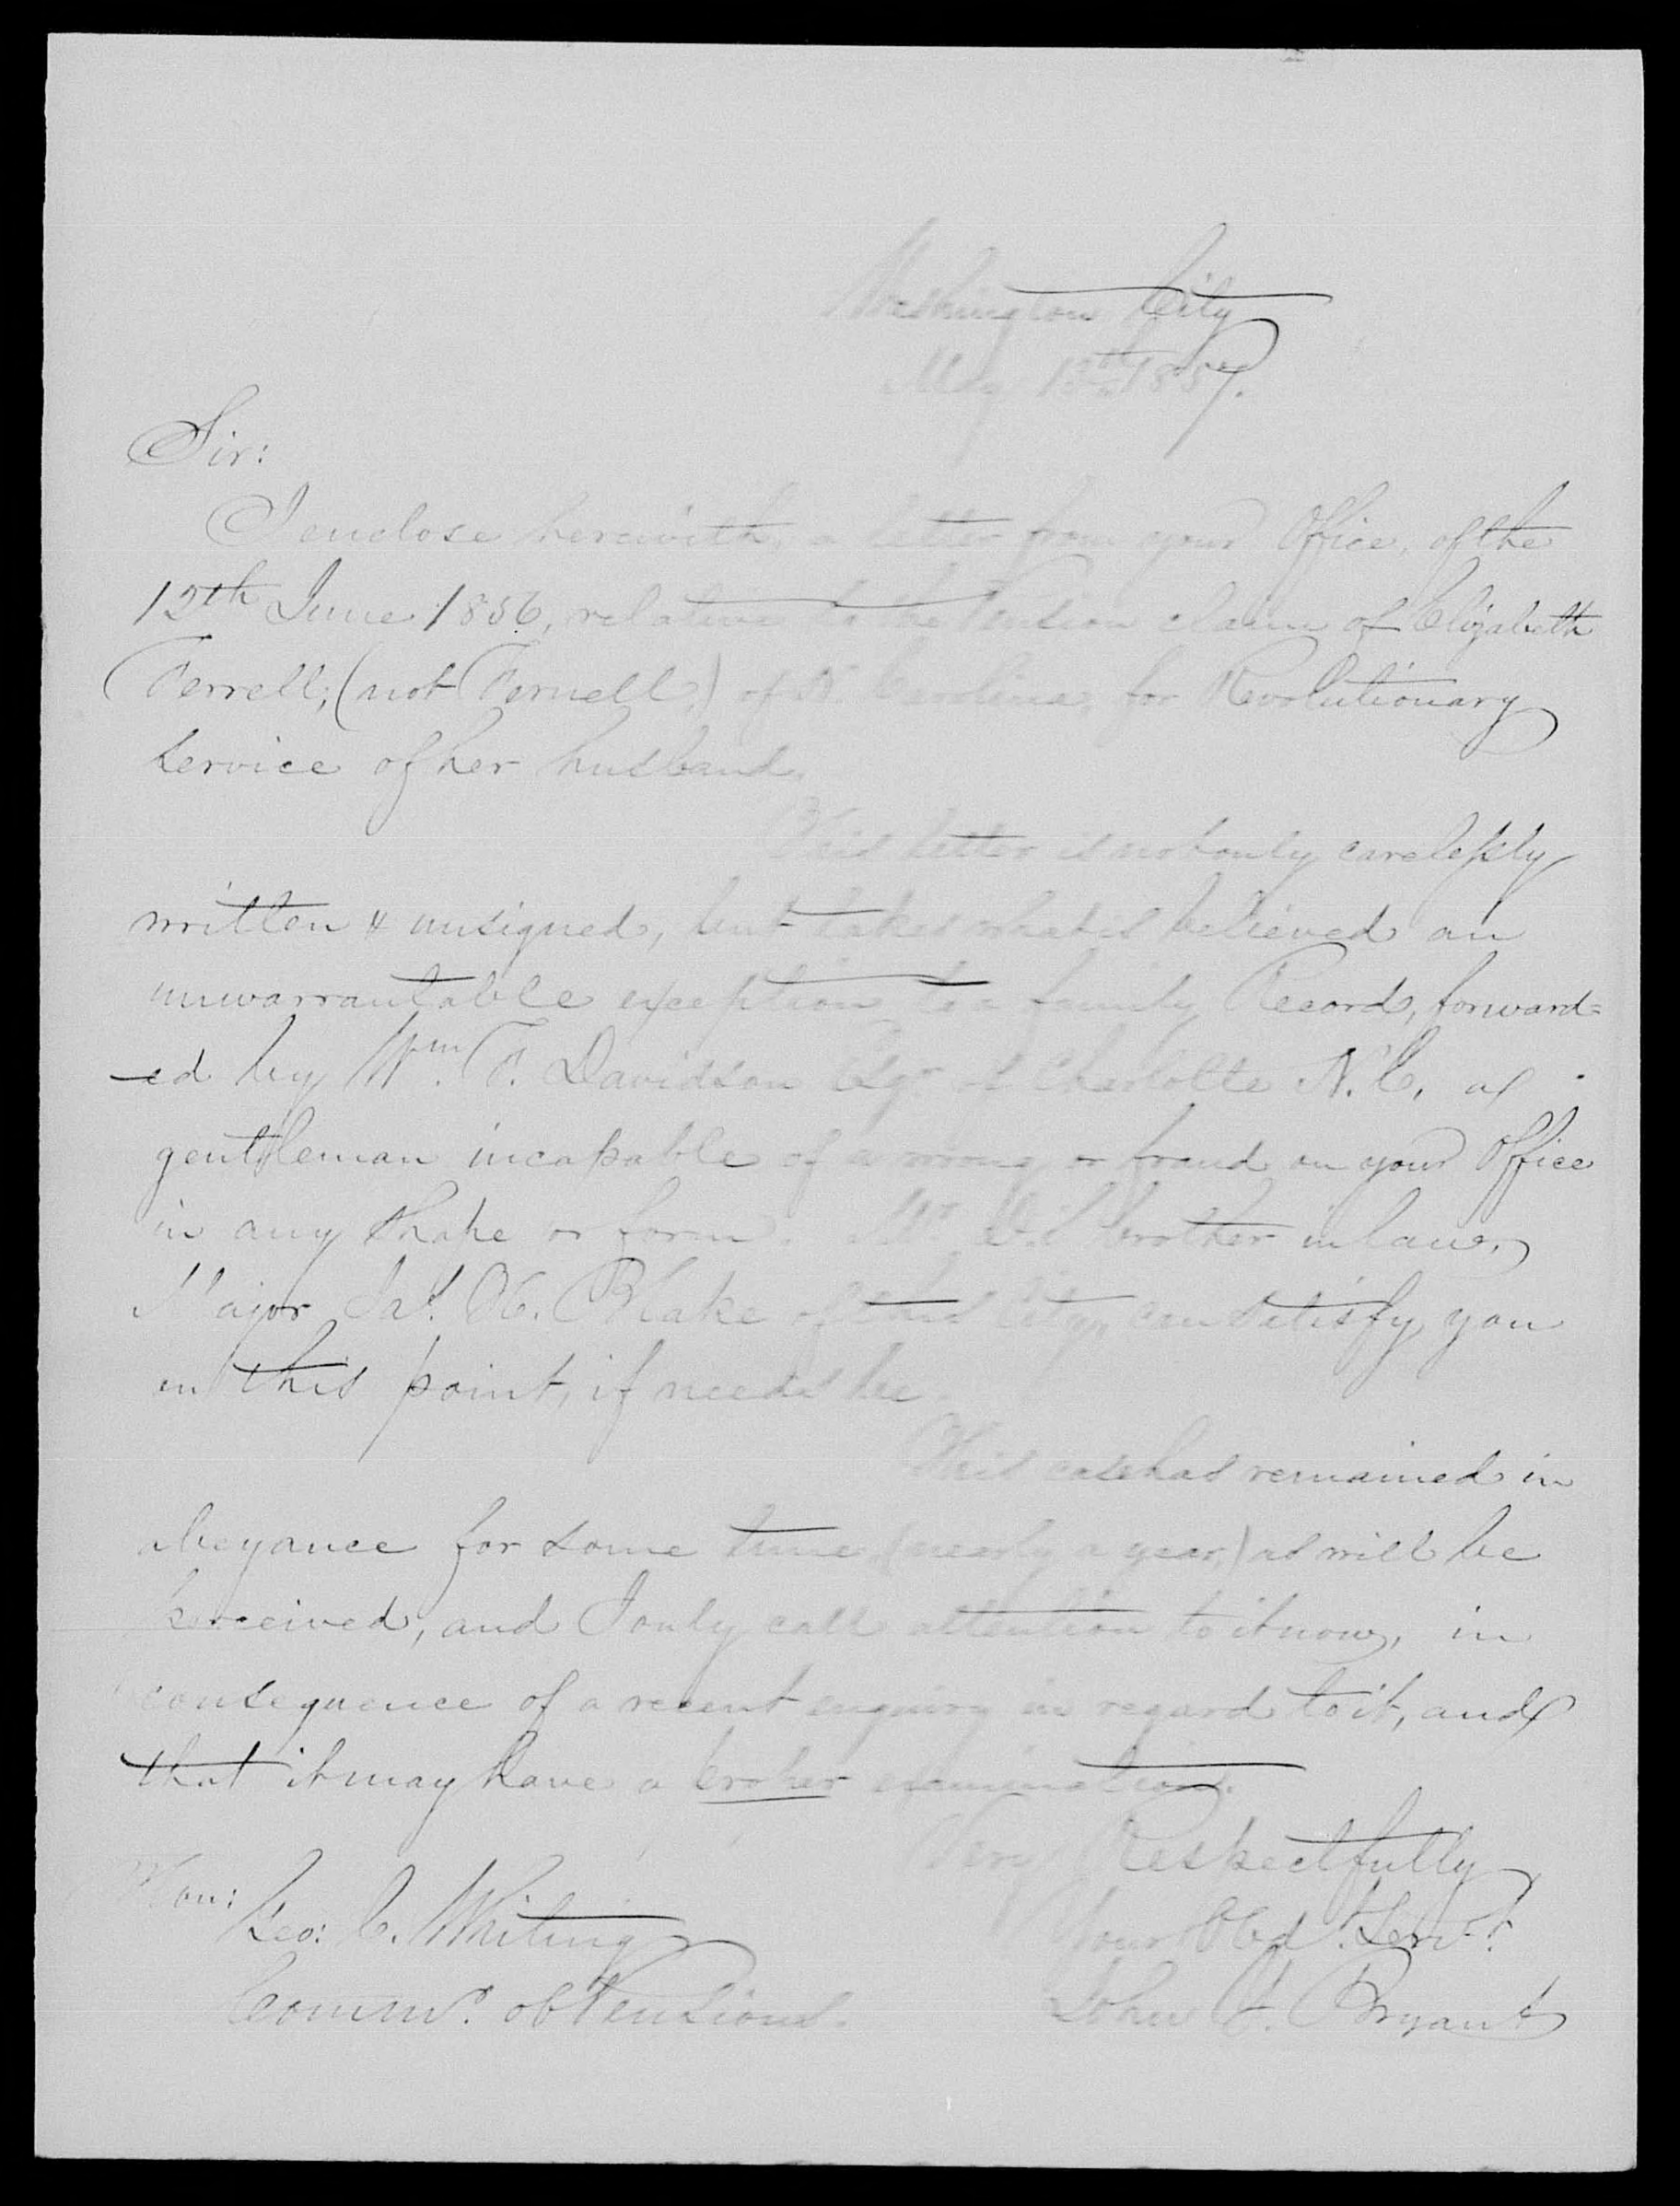Washington City
May 13th 1857
Sir:
I enclose herewith a letter from your Office of the 12th June 1856, relative to the Pension claim of Elizabeth Fennell (not Ferrell) of N. Carolina for Revolutionary Service of her husband,
Said letter is :illegible: :illegible: written and unsigned, but takes what is believed an unwarrantable exception to a family.  Records forwarded by Wm. F. Davidson :illegible: of Charlotte NC of gentleman incapable of a :illegible: :illegible: :illegible: on your office in any shape or form. :illegible: :illegible: mother in law Major John H. Blake of this city can satisfy you in this point if needs be. 
:illegible: :illegible: remarried in :illegible:  for some time (nearly a year)and will be received and I only call attention to it now, in consequence of a recent ongoing in regard to it and that it may have a property explanation.  
Very Respectfully, 
Your :illegible: :illegible:
:illegible: Y. :illegible:
:Illegible: Geo. I. Whitney
Comm of Pensions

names: Elizabeth Ferrell, Wm F Davidson, John G Bryant, Geo C Whiting, Jas H Blake, Elizabeth Fernell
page: 48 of 52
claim: rejected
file: R. 3,512, John Ferrell, N.C.